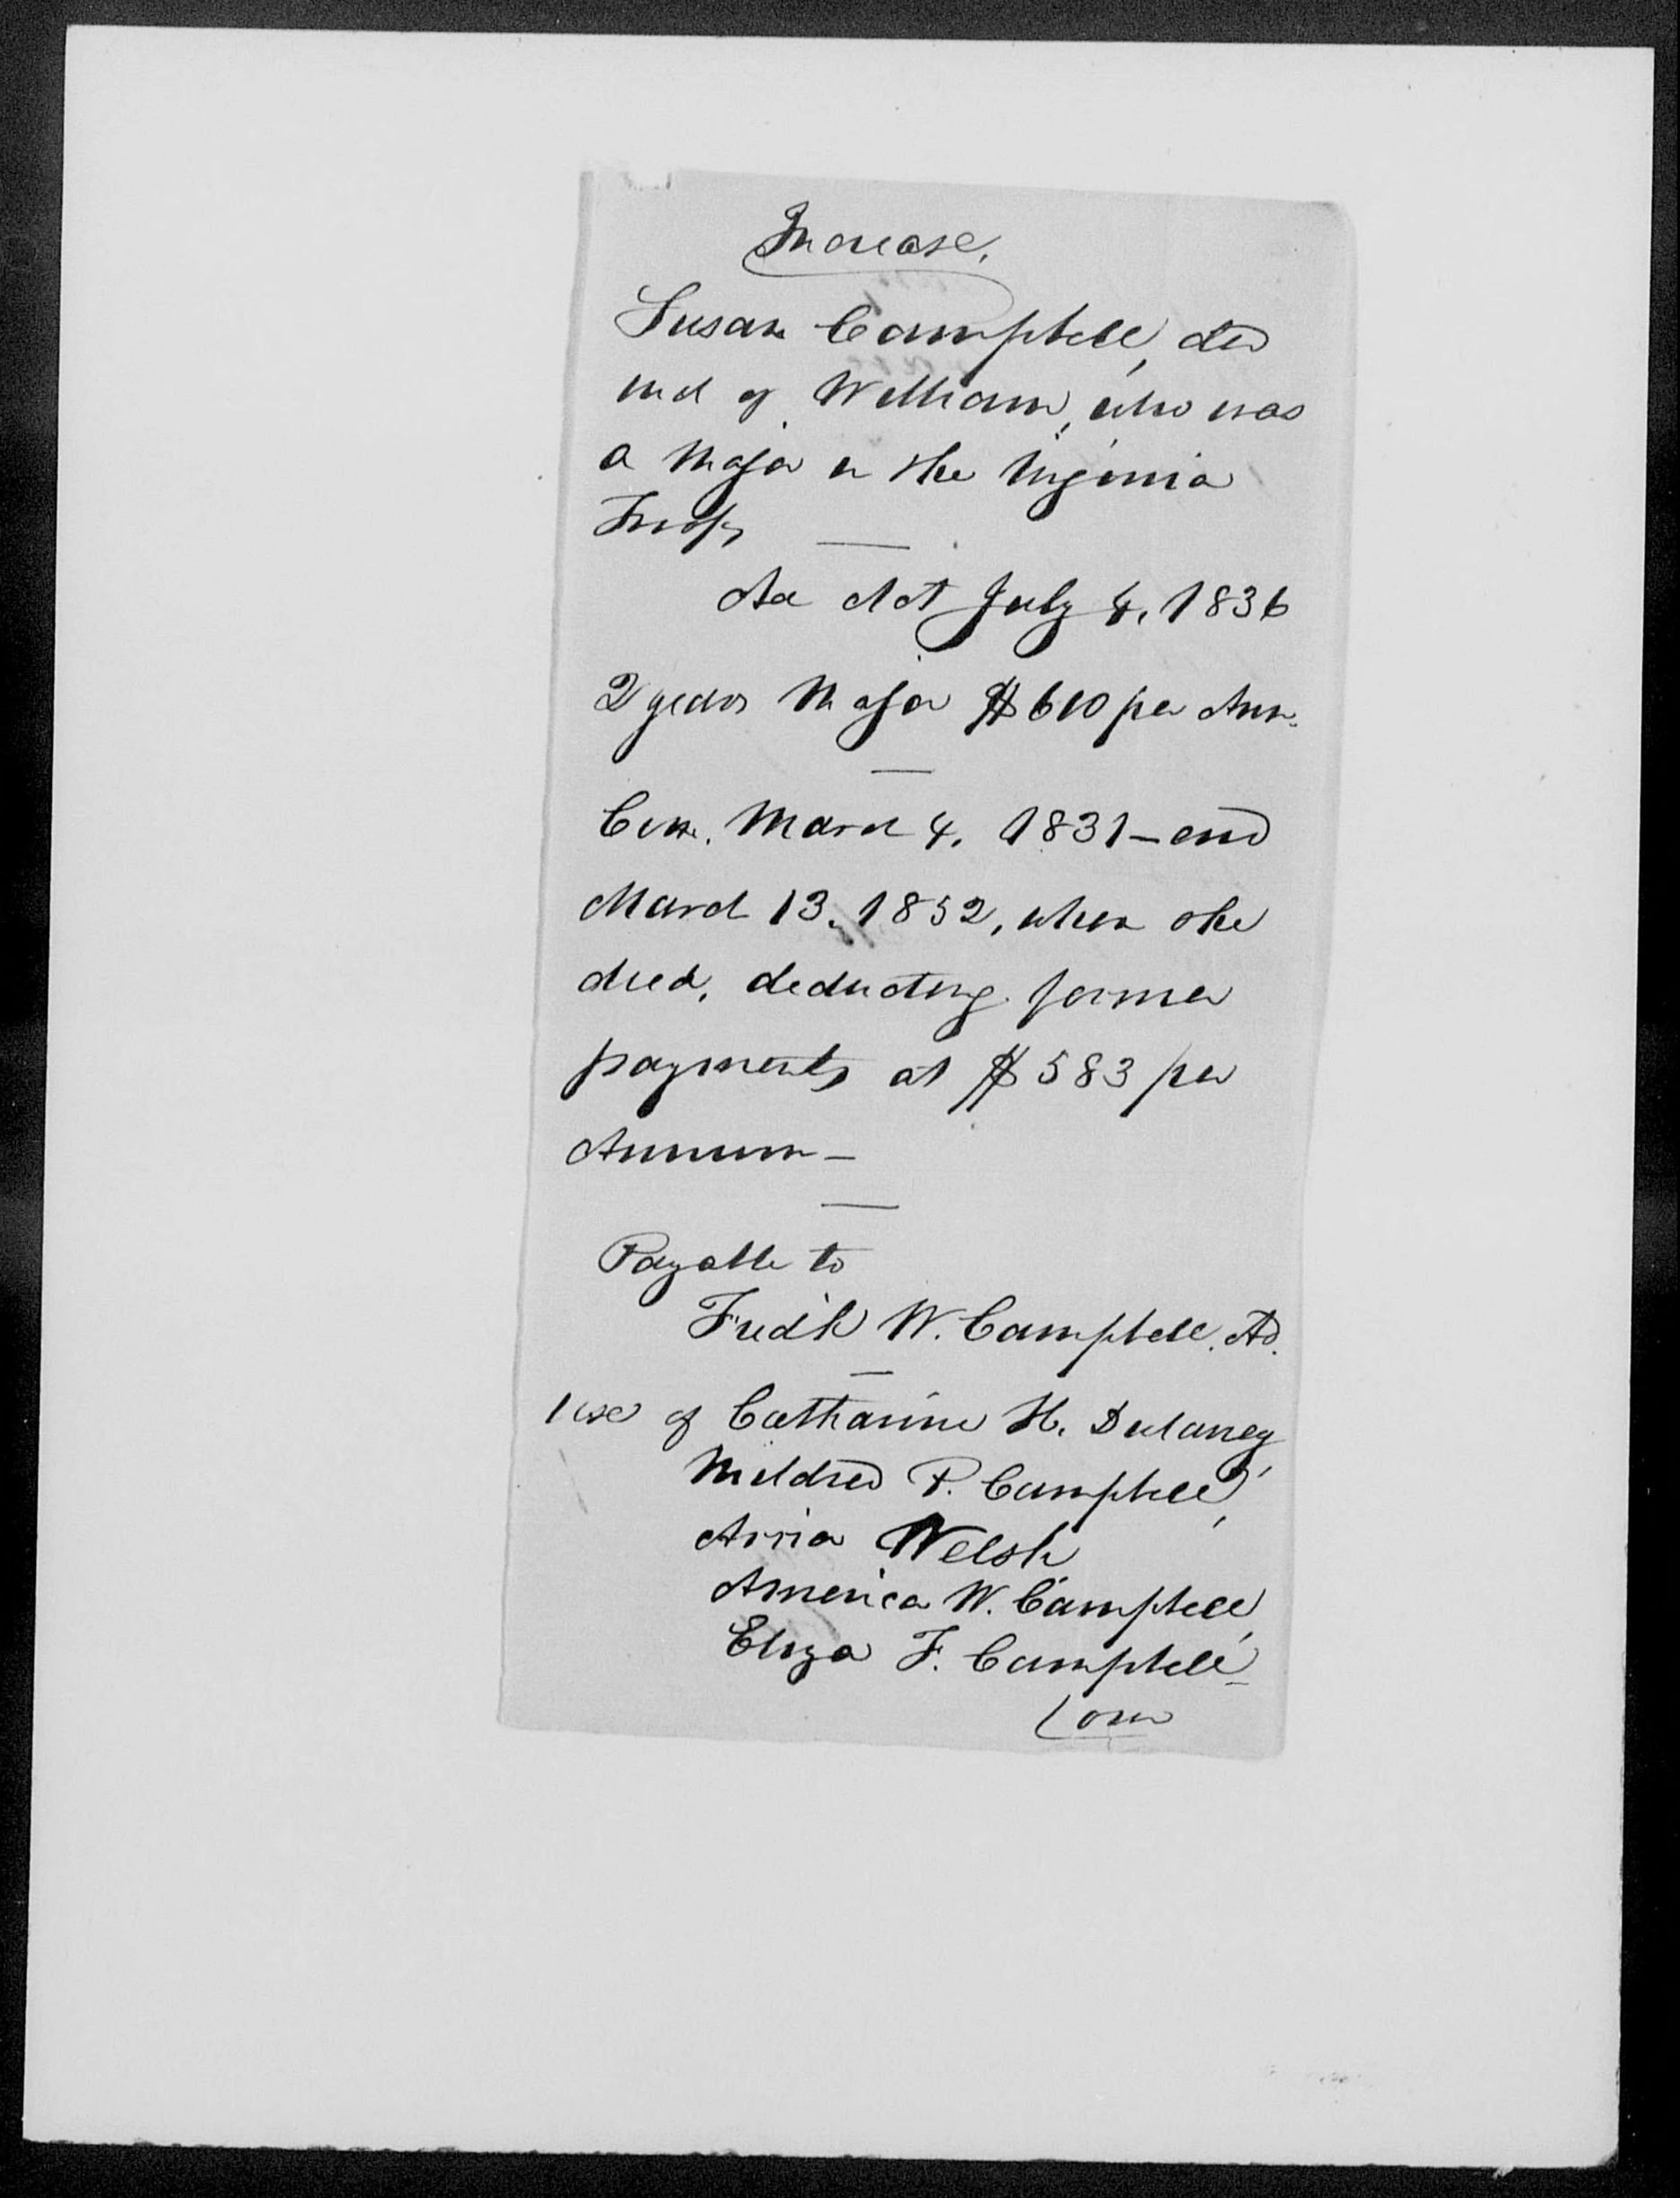Increase [underlined]

Susan Campbell, dcd wid of William, who was a Major in the Virginia Troops ________ .

Ad Act July 4, 1836

2 years Major $610 per Ann.

Com. March 4. 1831 ___ end March 13, 1852, when she died, deducting former payments at $583 per Annum ___

Payable to 
Fred'k W. Campbell, Ad.

Use of Catharine H. Dulaney,
Mildred P. Campbell,
Arria Welsh,
Eliza F. Campbell,

(over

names: Arria Welsh, Fredk W Campbell, Susan Campbell, Mildred P Campbell, America W Campbell, William Campbell, Eliza F Campbell, Catharine H Dulaney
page: 48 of 267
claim: widow's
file: W. 4,149, William Campbell, Va.